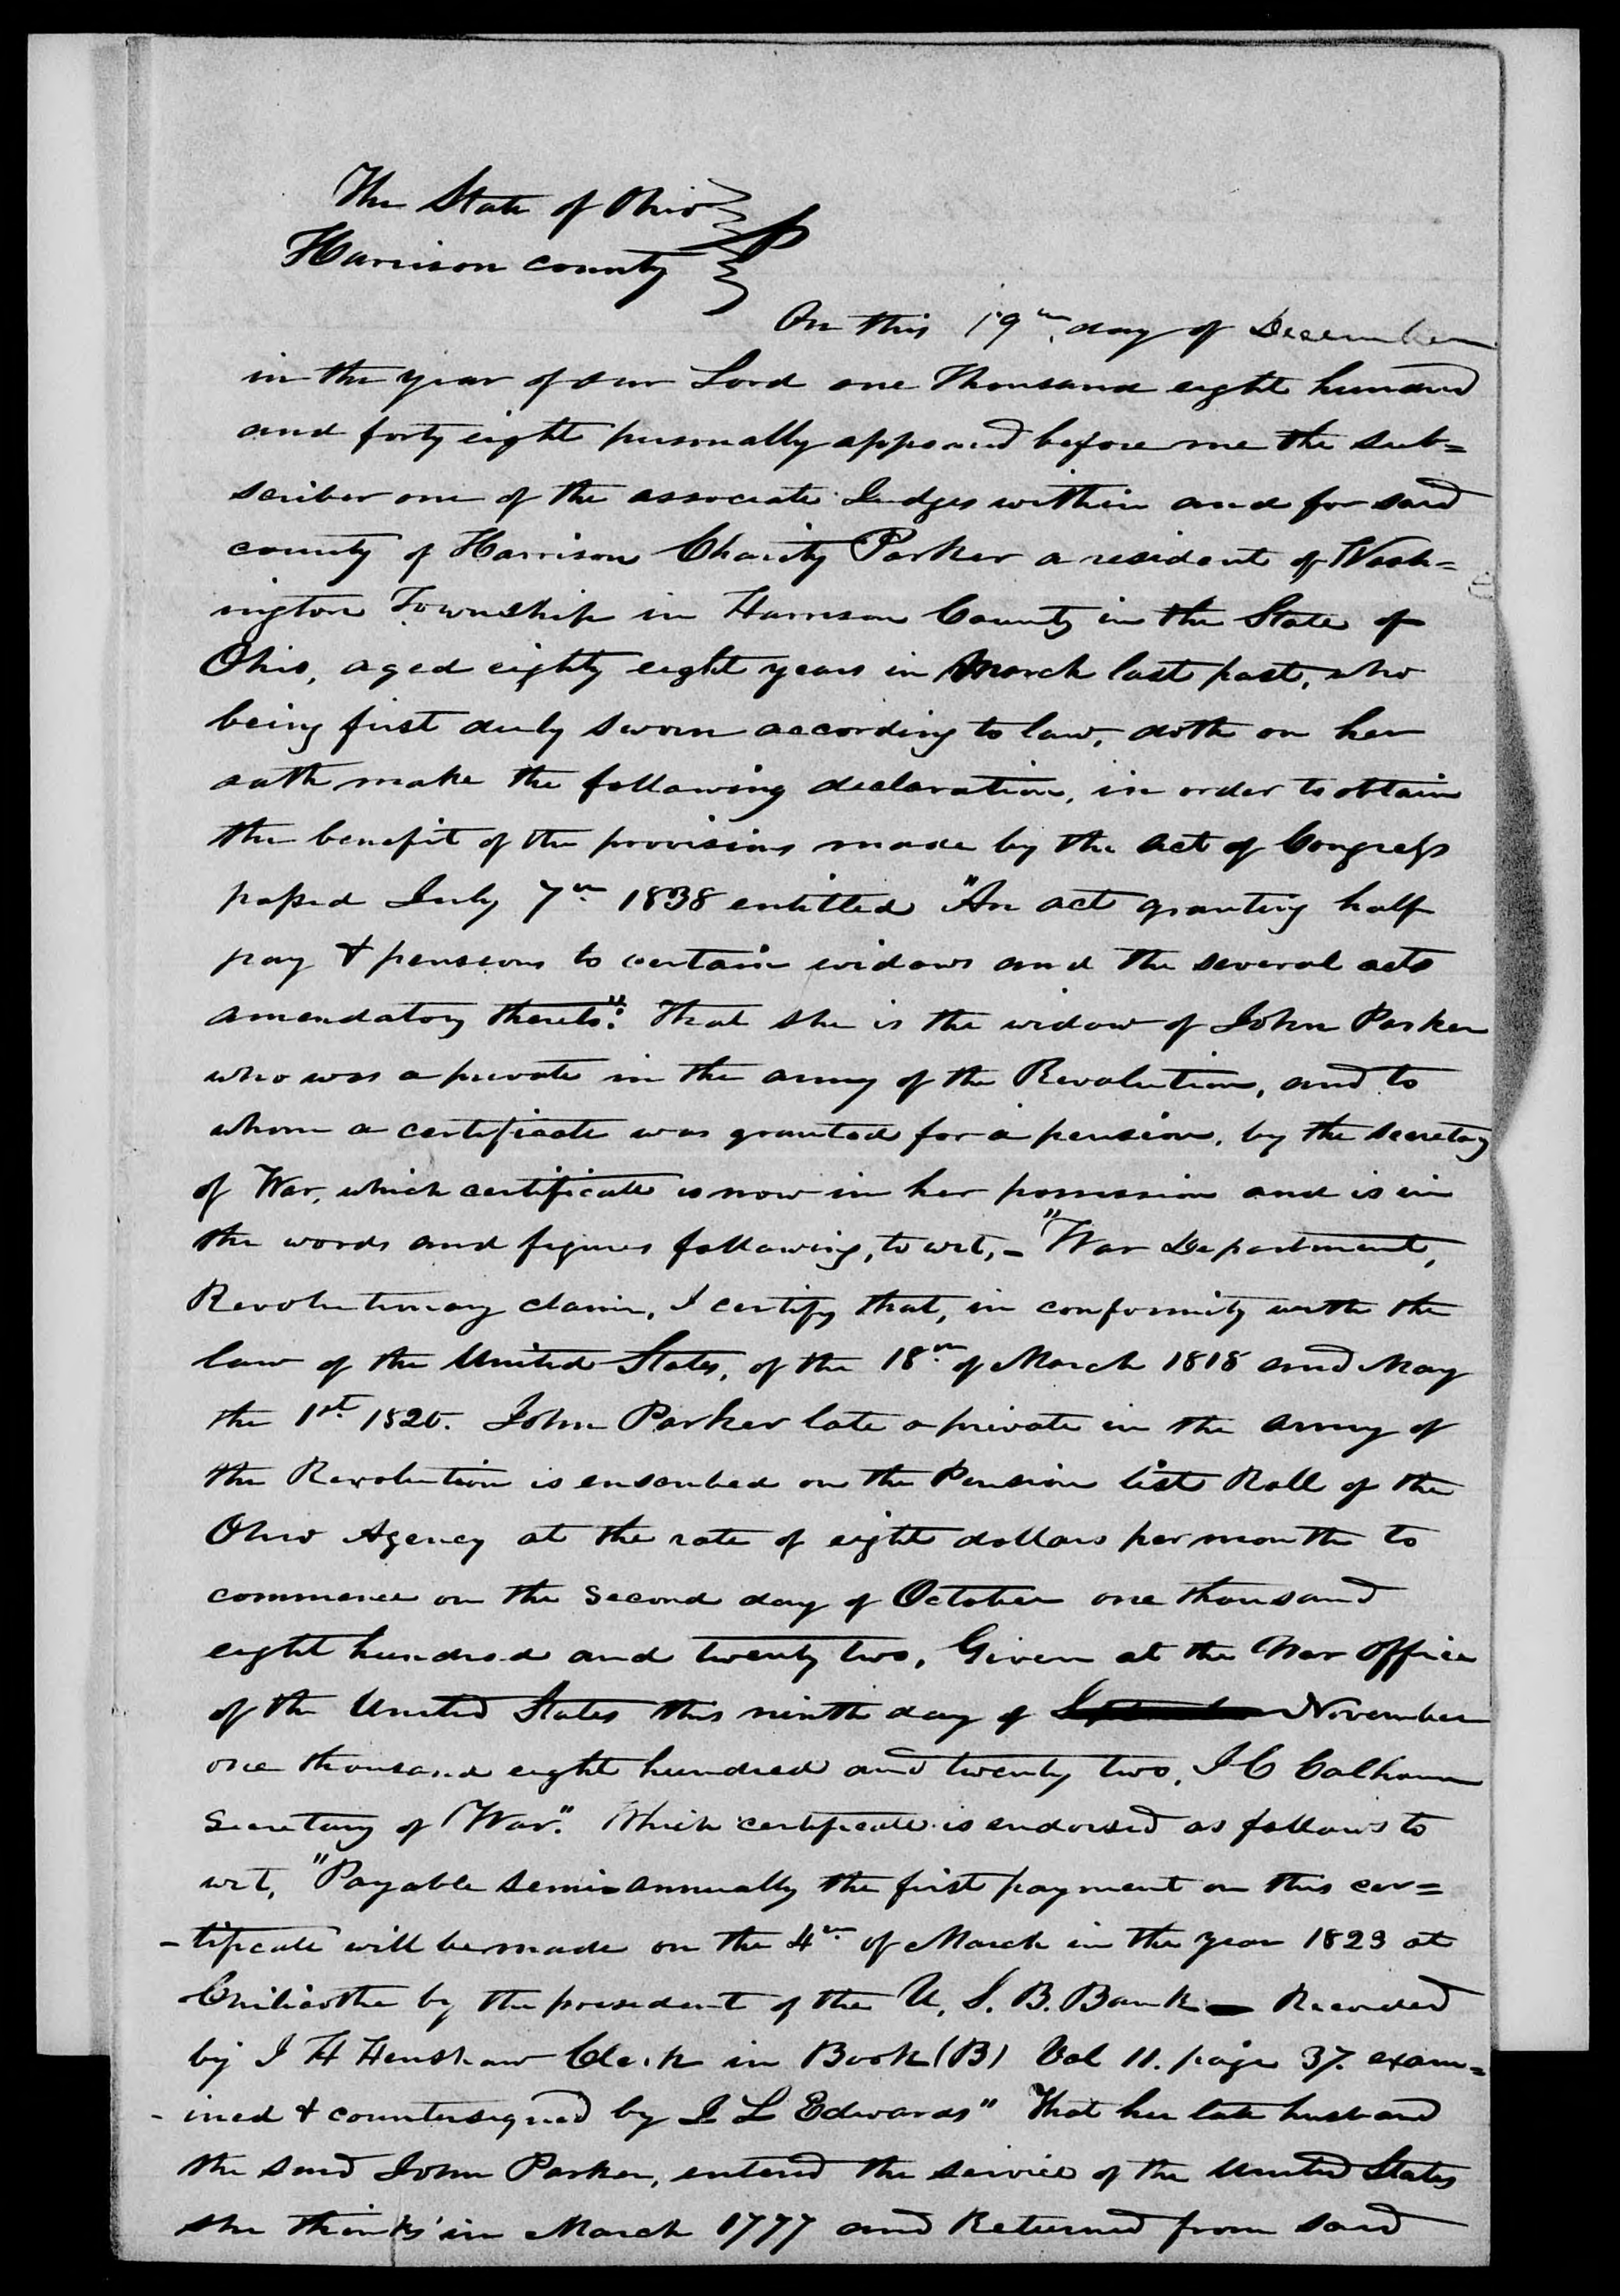The State of Ohio }
Harrison County } ss.
On this 19th day of December in the year of our Lord one Thousand eight hundred and forty eight personally appeared before me the subscriber one of the associate Judges within and for said county of Harrison Charity Parker a resident of Washington Township in Harrison County in the State of Ohio, aged eighty eight years in March last past, who being first duly sworn according to law, doth on her oath make the following declaration, in order to obtain the benefit of the provisions made by the act of Congress passed July 7th 1838 entitled "An act granting half pay & pensions to certain widows and the several acts amendatory thereto:" That she is the widow of John Parker who was a private in the army of the Revolution, and to whom a certificate was granted for a pension, by the Secretary of War, which certificate is now in her possession and is in the words and papers following, to wit, "War Department, revolutionary claim, I certify that, in conformity with the law of the United States, of the 18th of March 1818 and May the 1st 1826, John Parker late a private in the Army of the Revolution is enscribed [sic] on the Pension list Roll of the Ohio Agency at the rate of eight dollars per month to  commence on the second day of October one thousand eight hundred and twenty two, Given at the War office of the United States this ninth day of November one thousand eight hundred and twenty two. J C Calhoun Secretary of War." Which certificate is endorsed as follows to wit "Payable semi annually the first payment on this certificate will be made on the 4th of March in the year 1823 at Chillicothe by the president of the U.S. B. Bank. Received by J H Henshaw Clerk in Book (B) Vol. 11, page 37, examined & countersigned by J.L. Edwards." That her late husband the said John Parker, entered the service of the United States she thinks in March 1777 and returned from said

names: J C Calhoun; John Parker; Charity Parker; J L Edwards; J H Henshaw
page: 8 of 40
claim: widow's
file: W. 3,588, for John Parker, Pennsylvania